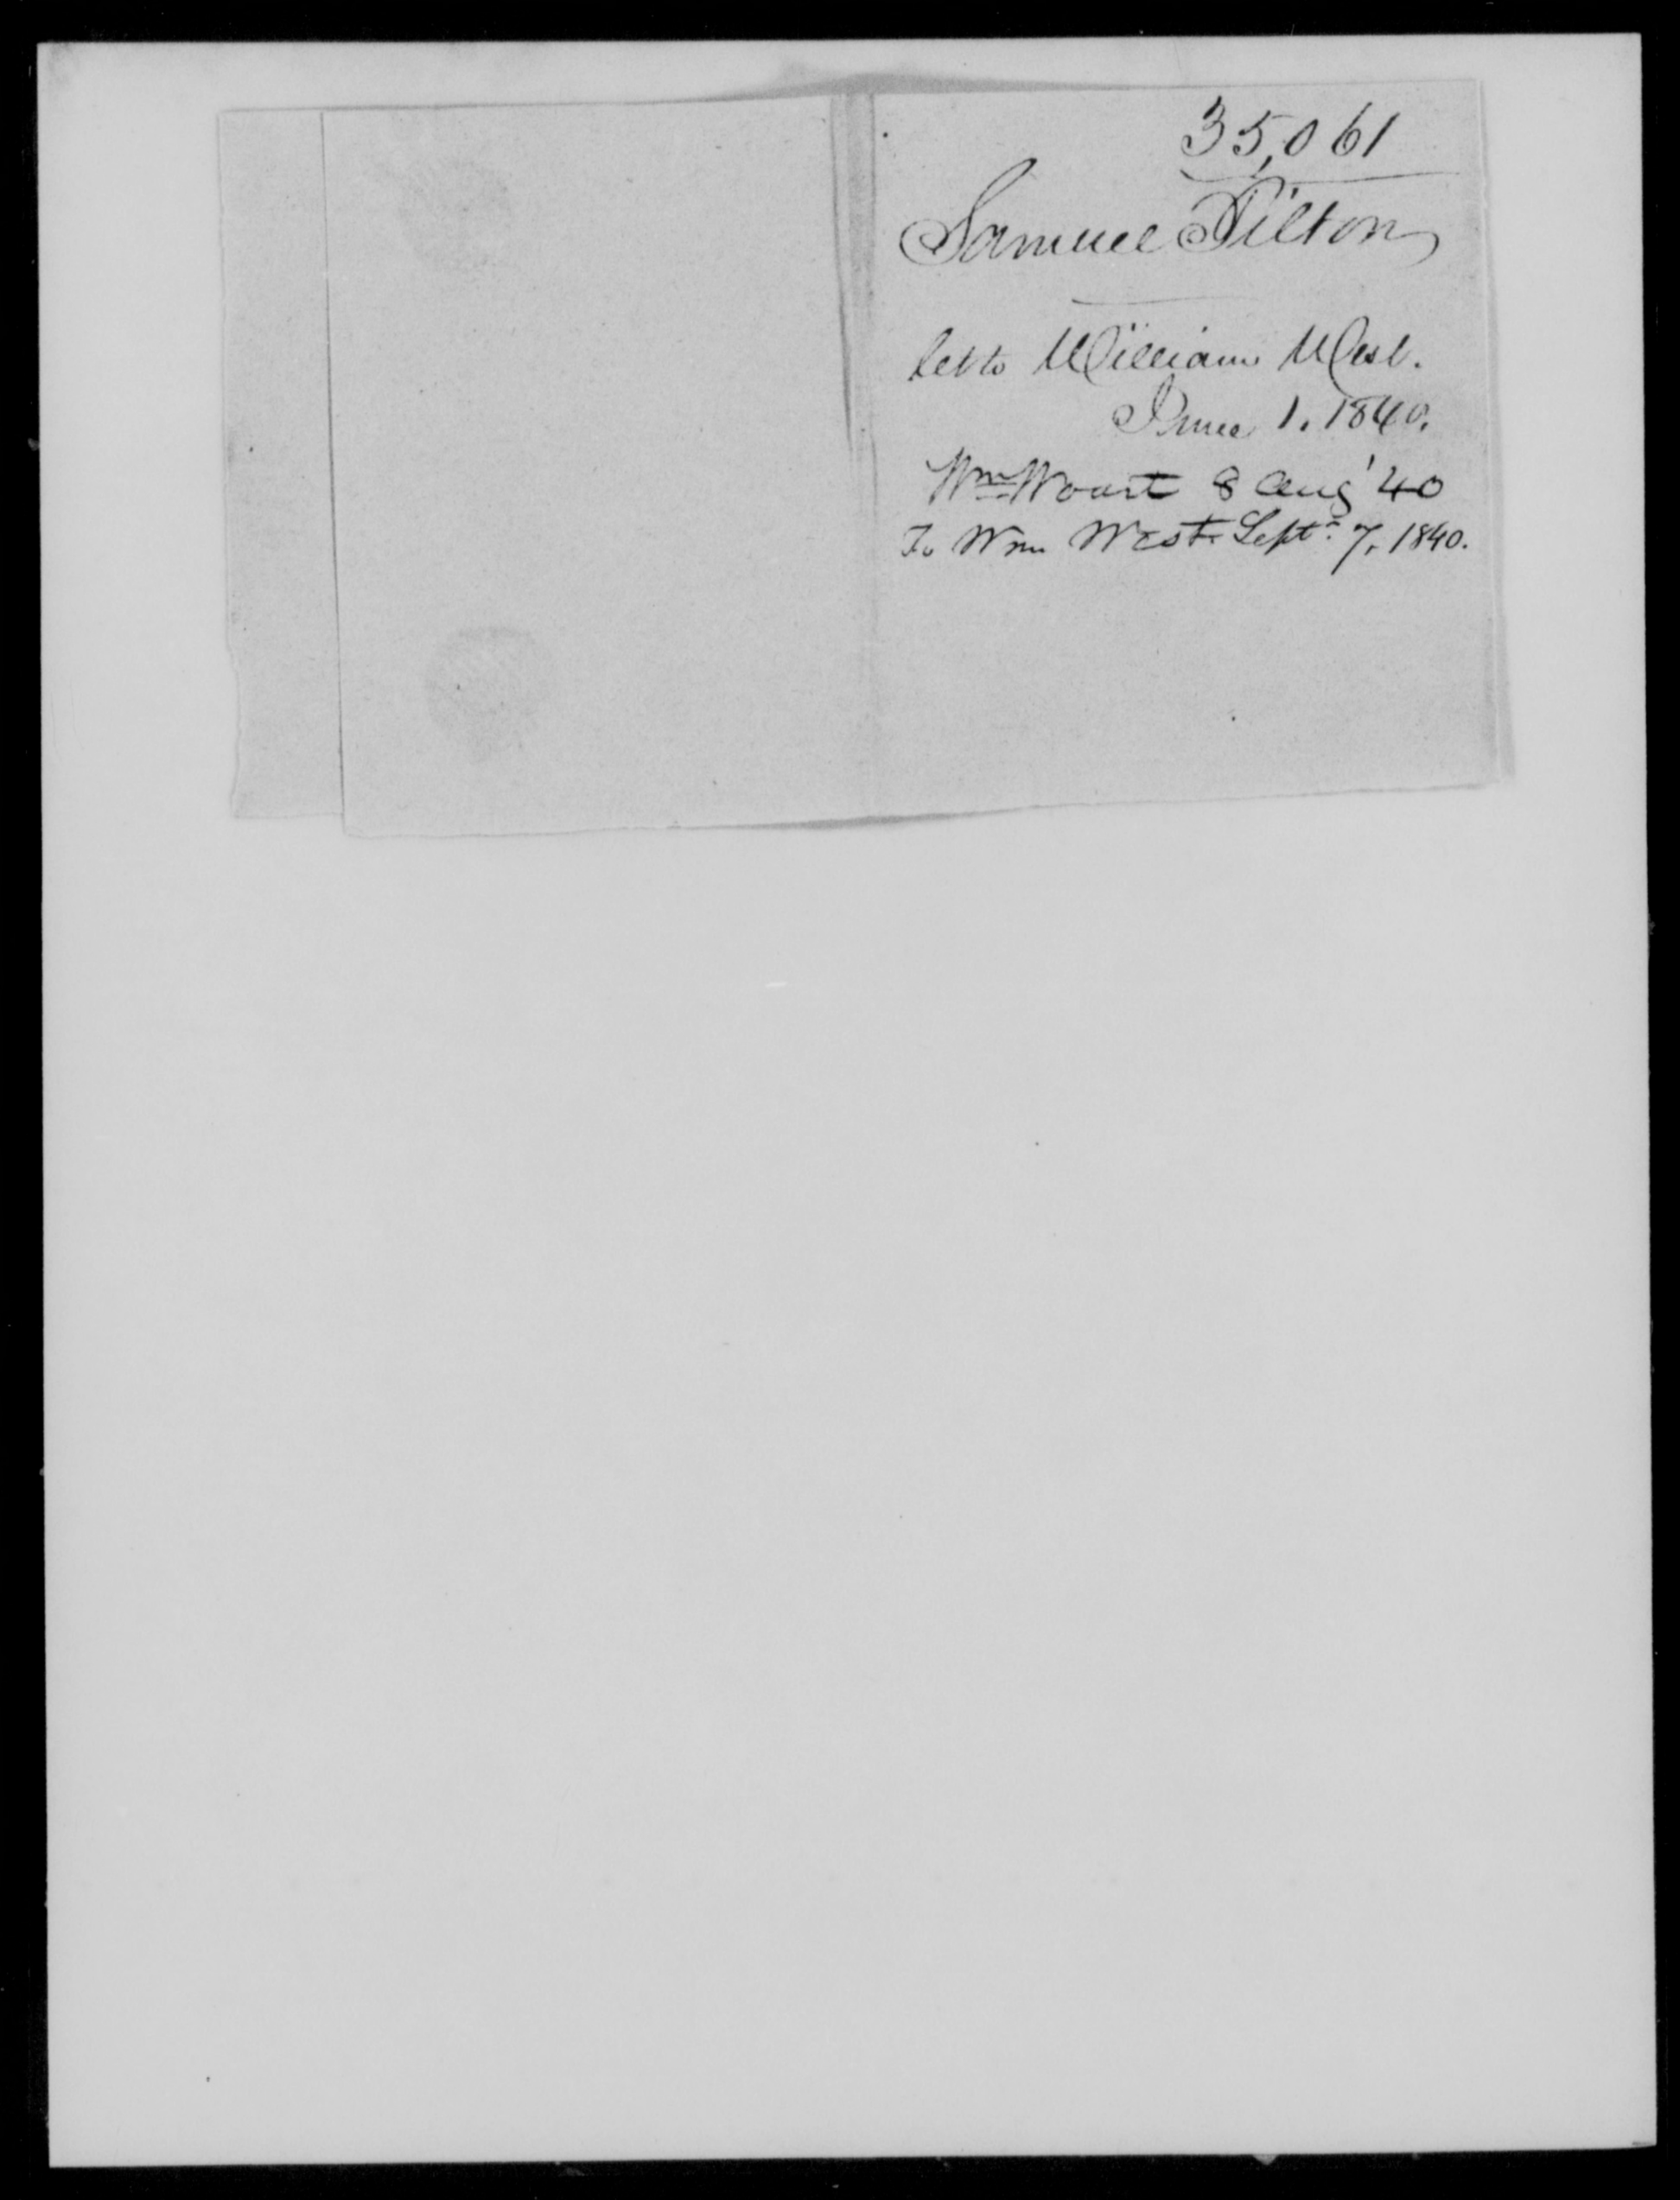35061
Samuel Tilton
let [letter] to William West
June 1, 1840
Wm West 8 Aug [18]40
To Wm West Sept 7, 1840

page: 35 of 55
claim: widow's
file: W. 14,021, for Samuel Tilton, New Hampshire